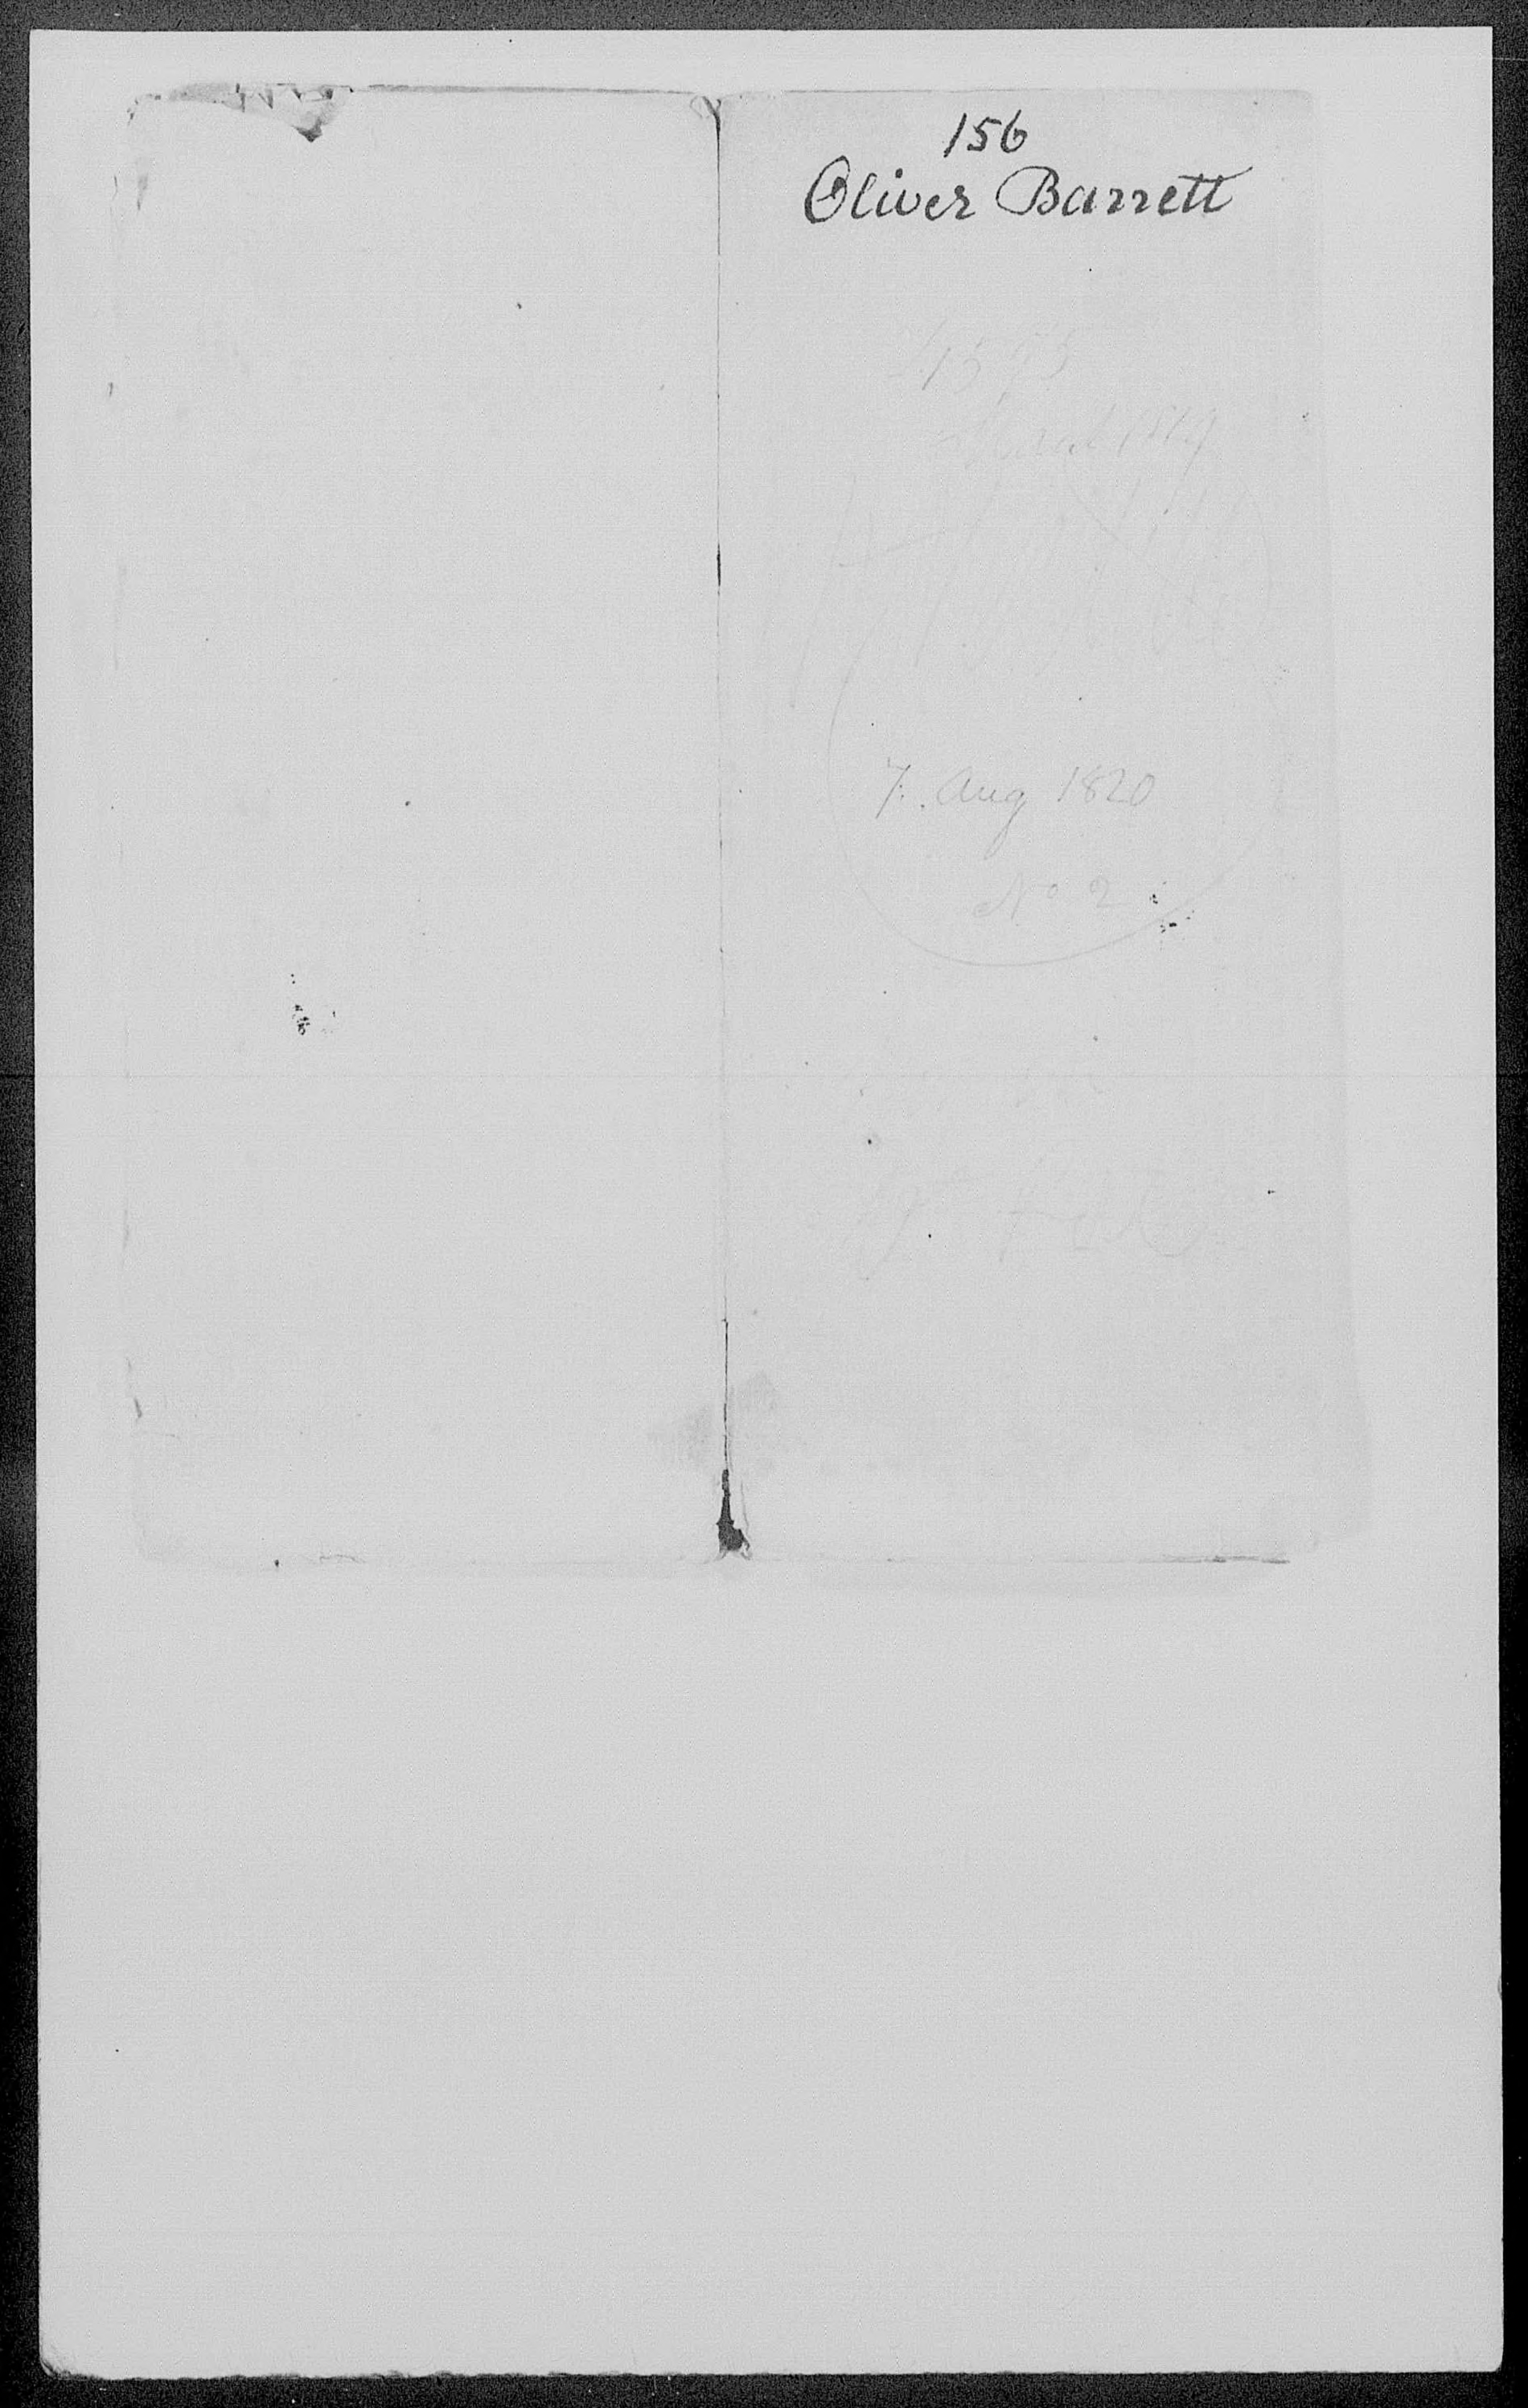156
Oliver Barrett

1373

7 Aug 1820
No 2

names: Oliver Barrett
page: 5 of 83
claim: widow's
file: W. 10,384, Oliver Barrett, Continental (Vt.) N.Y.